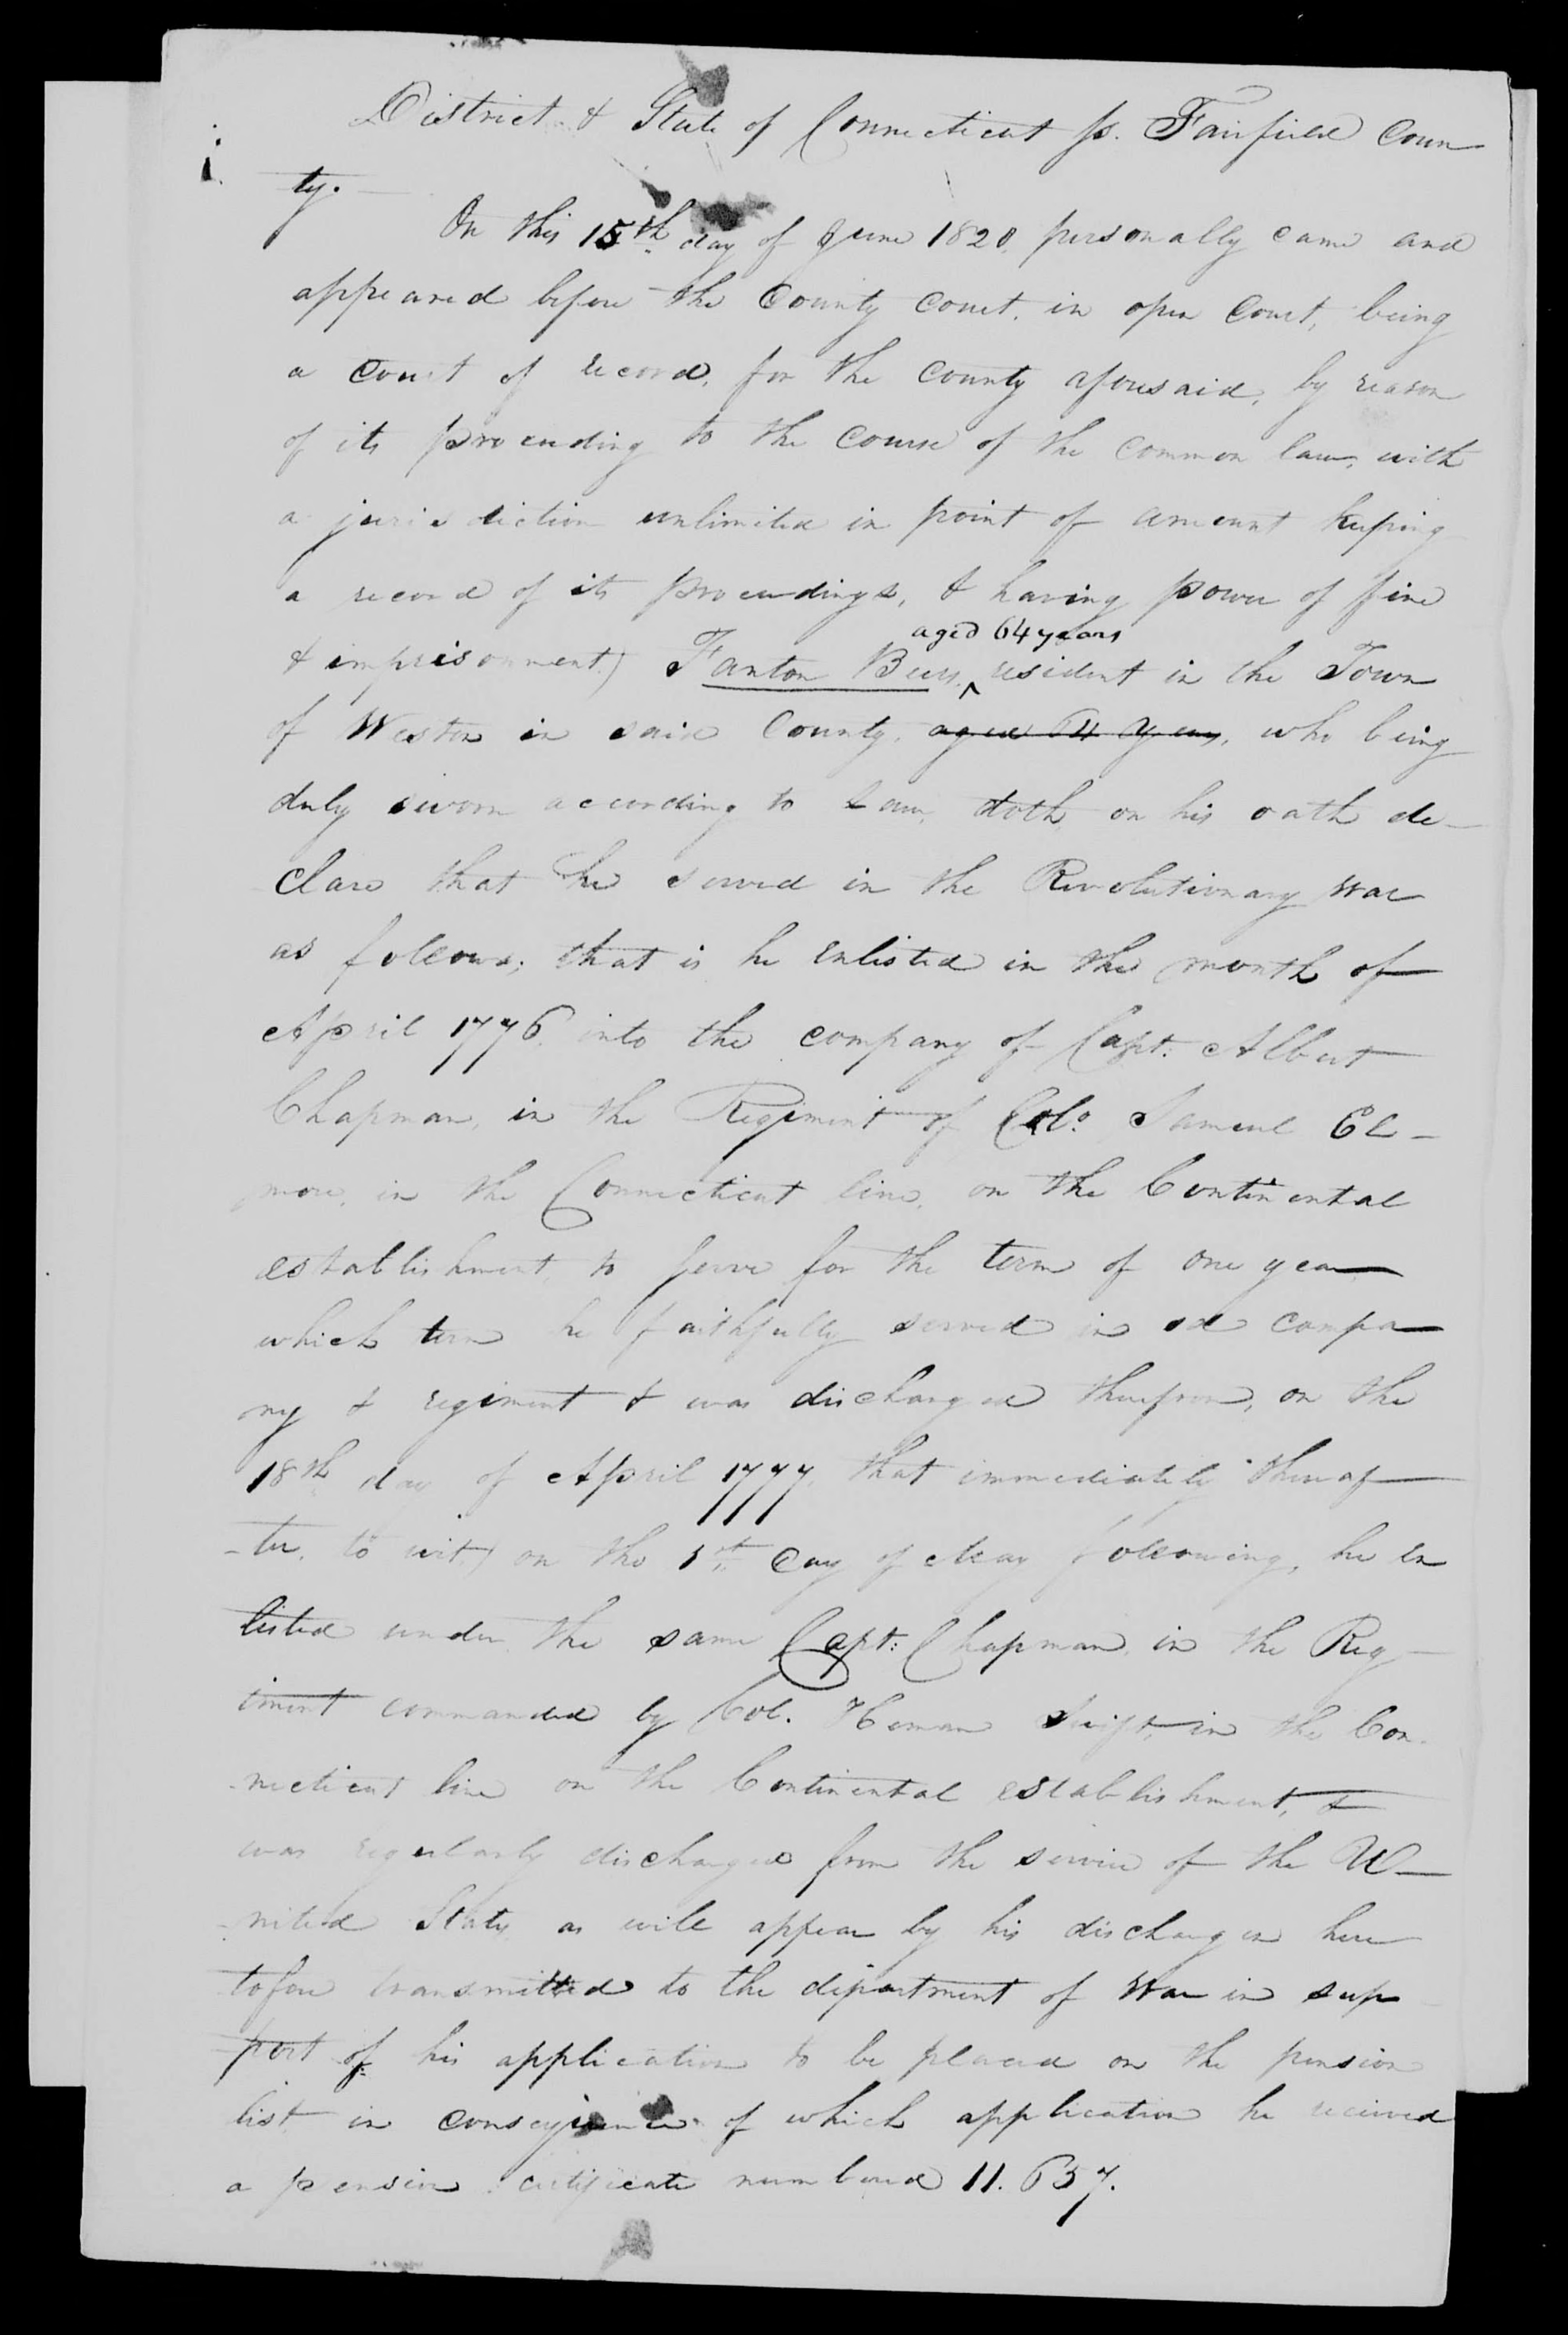District & State of Connecticut Ss. Fairfield County

On this 15th day of June 1828 personally came and appeared before the County Court in Open Court being a Court of record, for the County aforesaid, by reason of its proceeding  to the course of the common law, with a jurisdiction unlimited in point of amount keeping a record of its proceedings, I having, power of fine & imprisonment) Fanton Beers aged 64 years resident in the Town of Weston in said County, who being duly sworn according to I am doth on his oat declare that he served in the Revolutionary War as Solemn, that is he enlisted in the month of April 1776 into the company of Capt. Albert Chapman in the Regiment of Col. Samuel Elmour in the Connecticut line on the Continental establishment to serve for the term of one year which term he faithfully served in s'd Company & Regiment & was discharged therefore on the 18th day of April 1777 that immediately there after o with on the 1st day of May following, he enlisted under the same Capt. Chapman in the Regiment commanded by Col. Heman Swift in the Continental line on the Continental establishment & was regularly  discharged from the service of the United States as will appear by his discharge is here to or transmitted to the department of War in support of his application to be placed on the pension list in consequence of which application he received a pension certificate remembered 11.657.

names: Samuel Elmour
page: 3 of 23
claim: survivor's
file: S. 37,750, Fanton Beers, Conn.